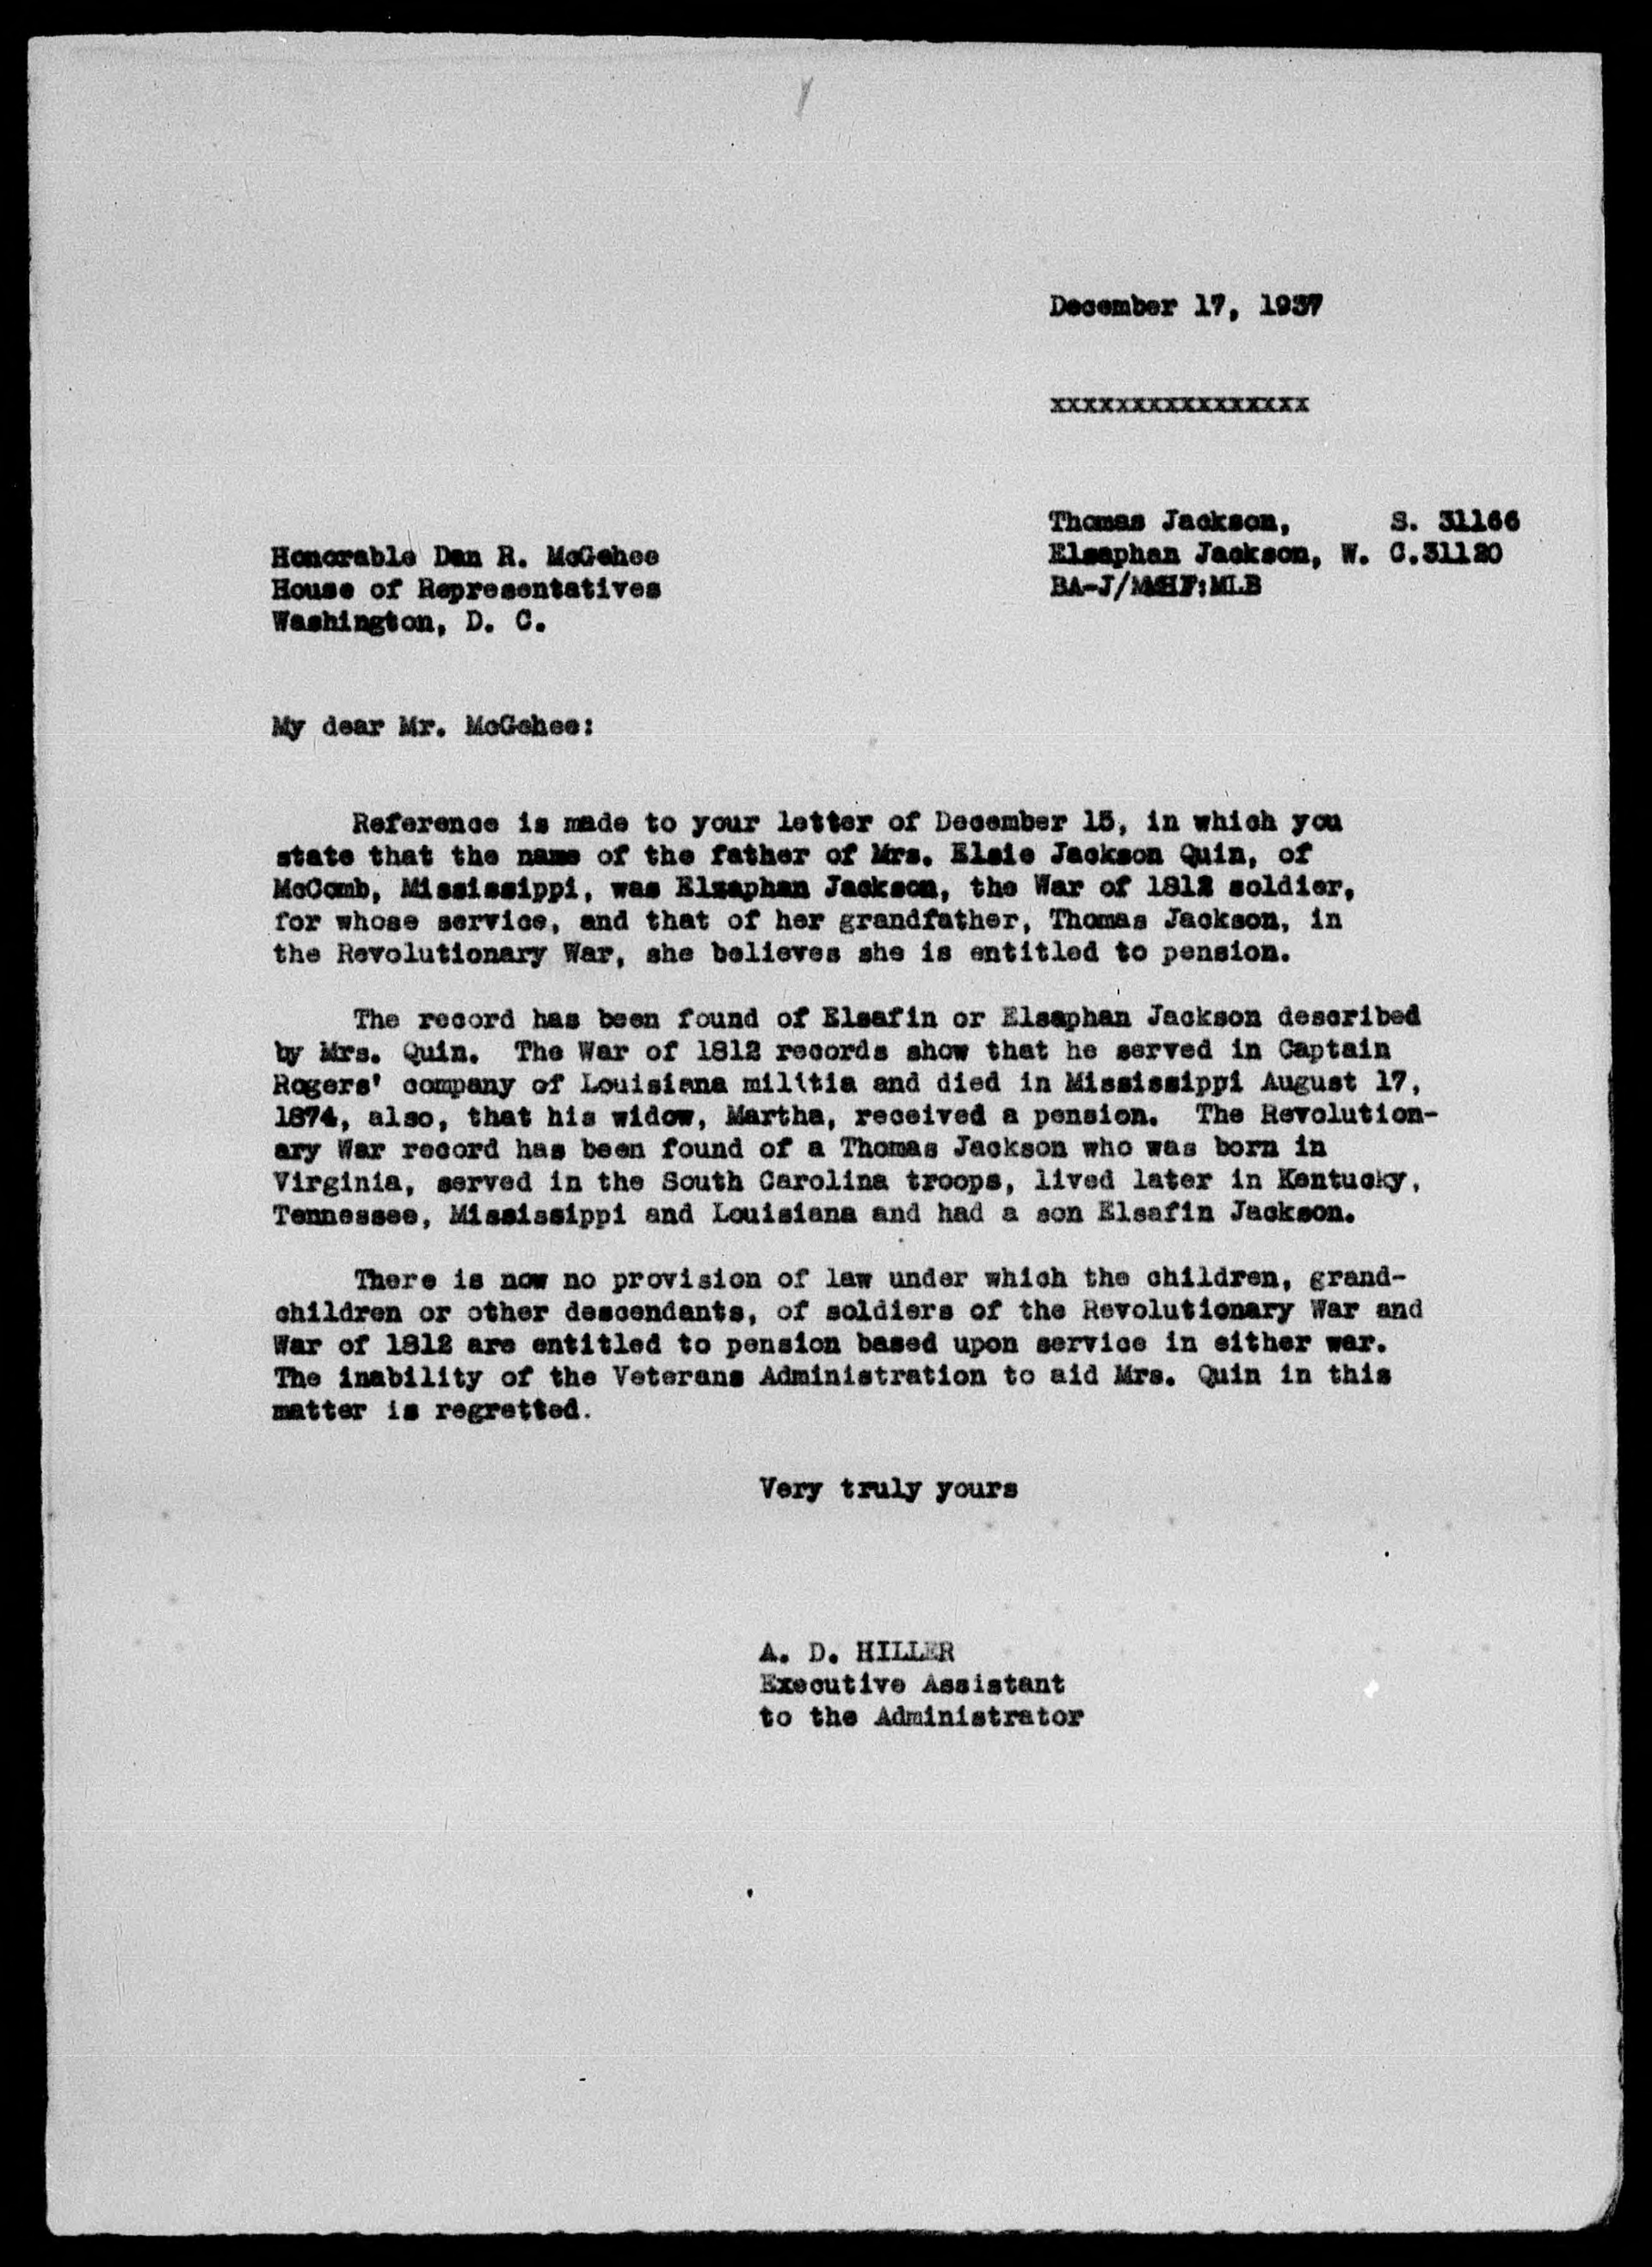December 17, 1937
XXXXXXXXXXXXXXX
Thomas Jackson,
Elsaphan Jackson, W. C. $11.20
S. 31166
BA-J/AMFSMLE

Honorable Dan R. McGehee
House of Representatives
Washington, D. C.

My dear Mr. McGehee:

Reference is made to your letter of December 15, in which you
state that the name of the father of Mrs. Elsie Jackson Quin, of
McComb, Mississippi, was Elsaphan Jackson, the War of 1812 soldier,
for whose service, and that of her grandfather, Thomas Jackson, in
the Revolutionary War, she believes she is entitled to pension.

The record has been found of Elsafin or Elsaphan Jackson described
by Mrs. Quin. The War of 1812 records show that he served in Captain
Rogers' company of Louisiana militia and died in Mississippi August 17,
1874, also, that his widow, Martha, received a pension. The Revolutionary 
War record has been found of a Thomas Jackson who was born in
Virginia, served in the South Carolina troops, lived later in Kentucky,
Tennessee, Mississippi and Louisiana and had a son Elsafin Jackson.

There is now no provision of law under which the children, grandchildren
or other descendants of soldiers of the Revolutionary War and
War of 1812 are entitled to pension based upon service in either war.
The inability of the Veterans Administration to said Mrs. Quin in this
matter is regretted.

Very truly yours
A. D. HILLER
Executive Assistant
to the Administrator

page: 54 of 54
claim: survivor's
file: S. 31166, for Thomas Jackson, South Carolina